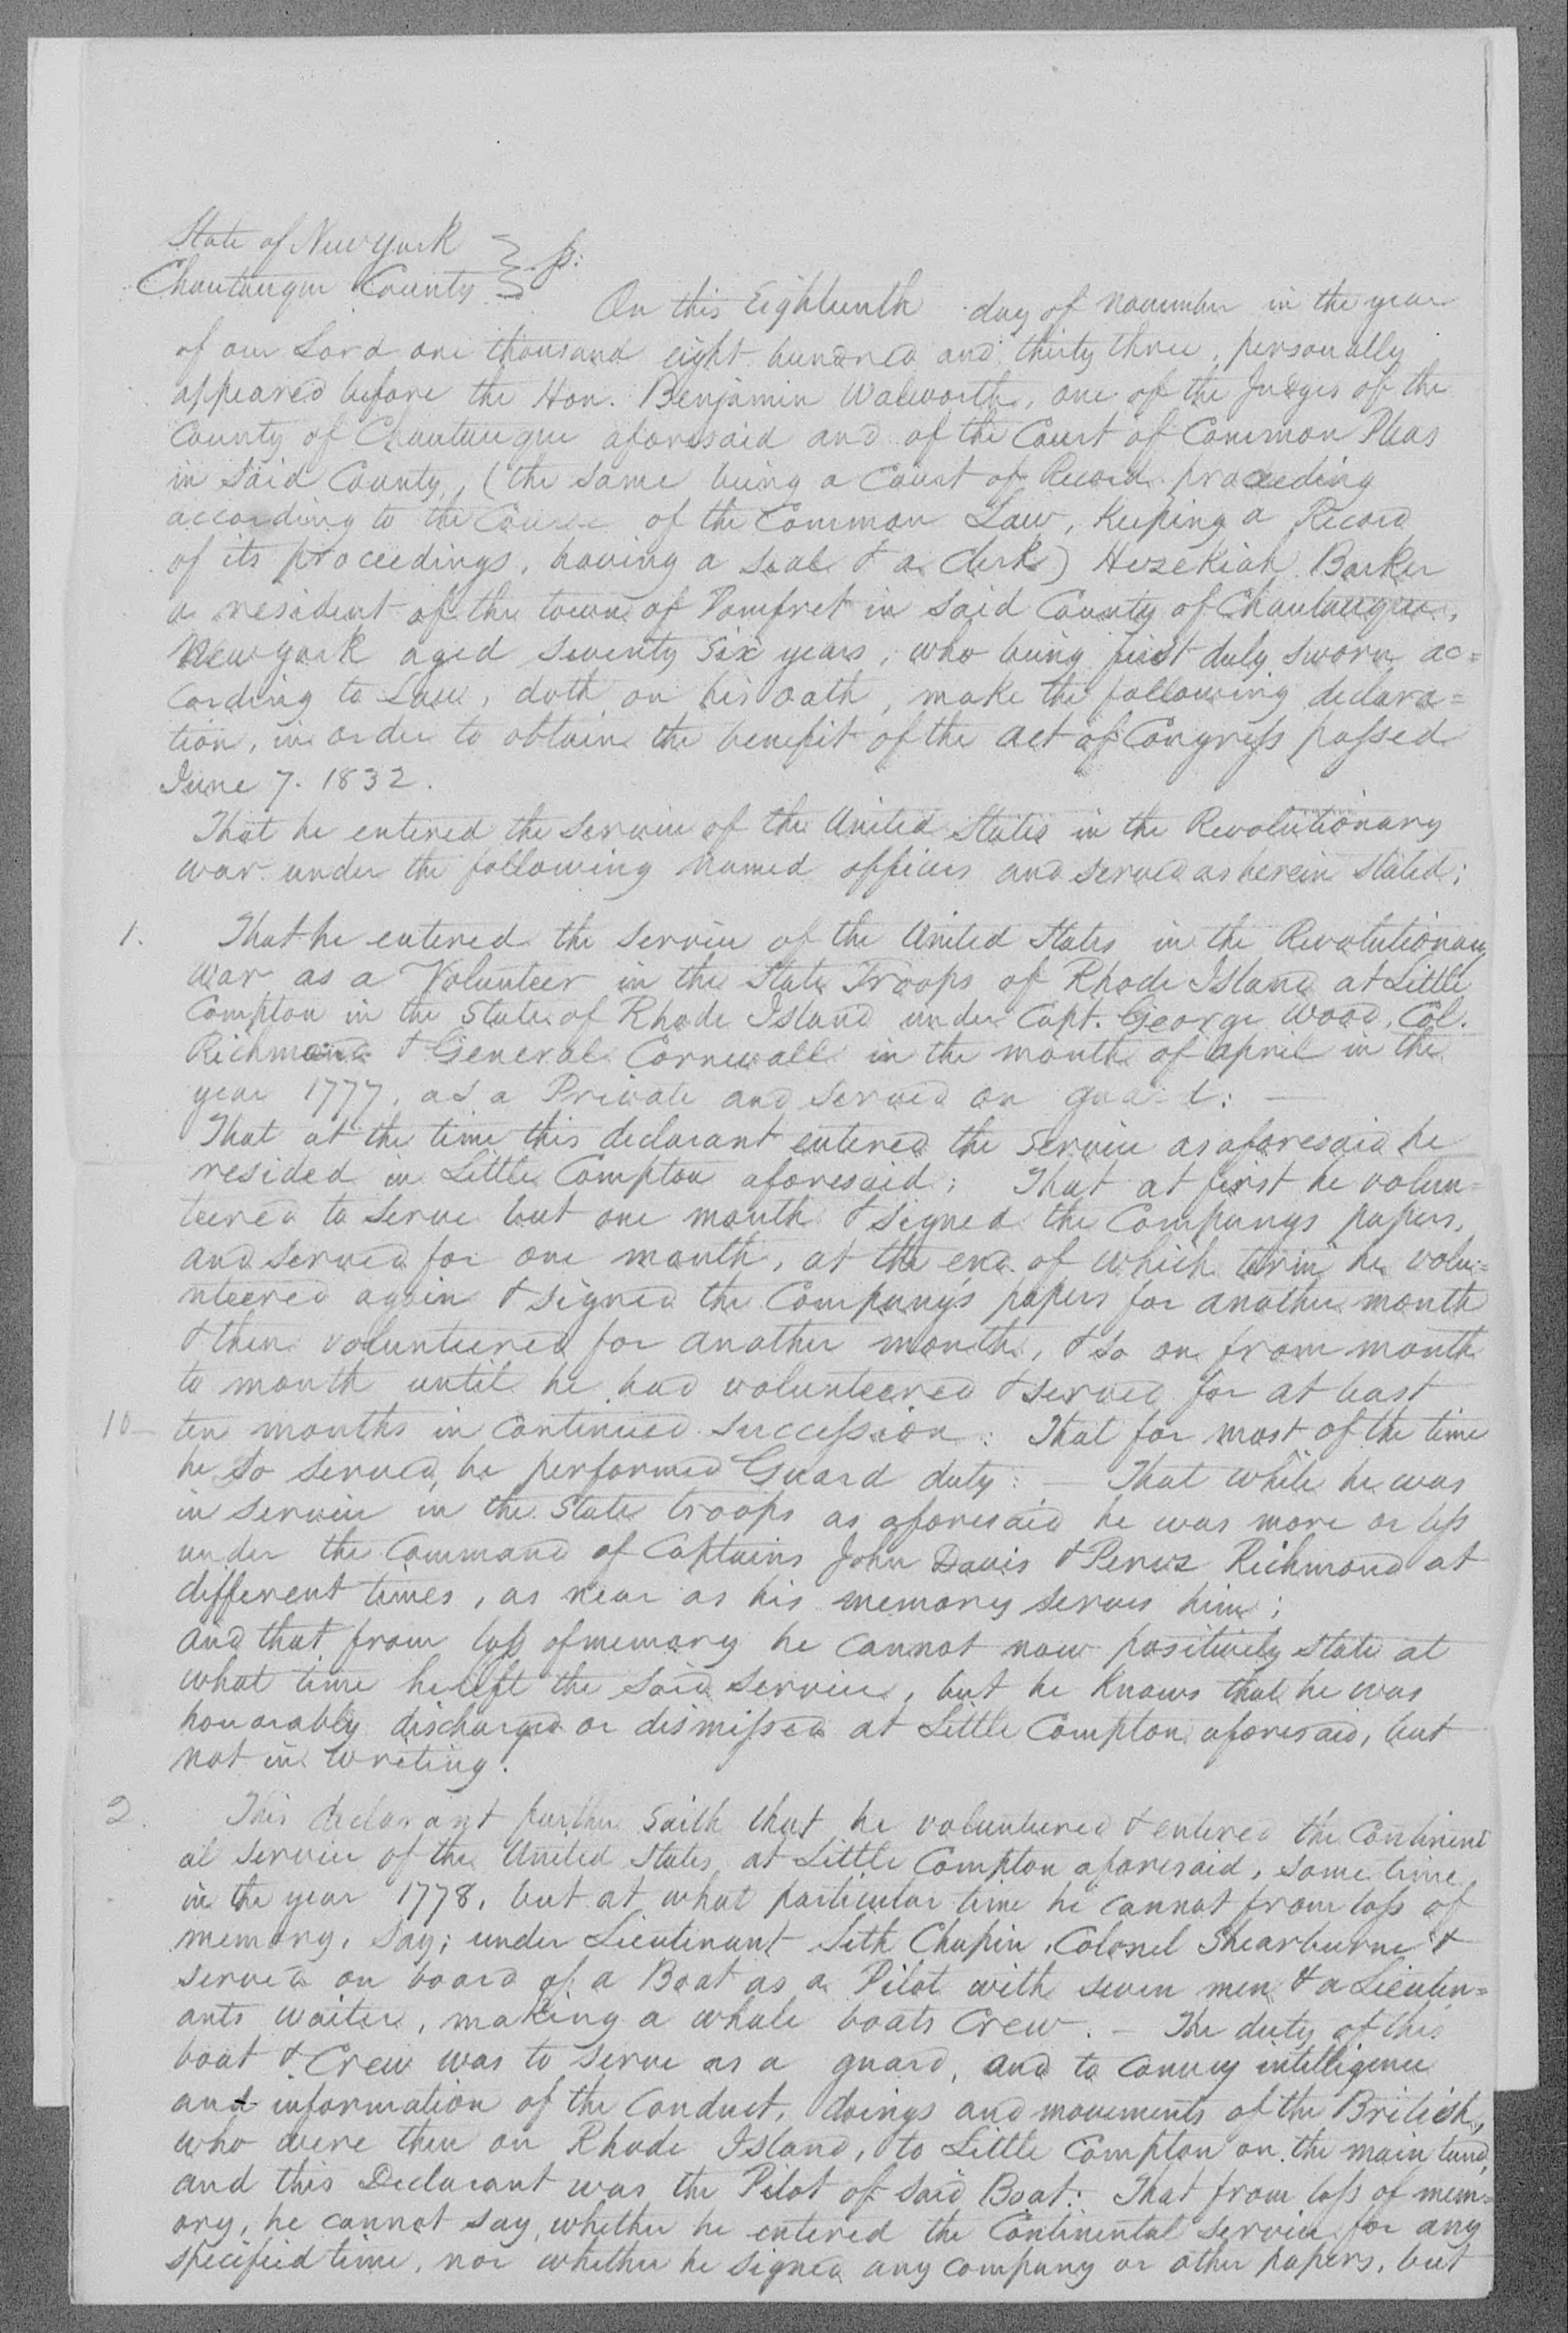State of New York
Chautauqua County} Ss.
On this eighteenth day of November in the year of our Lord one thousand eight hundred and thirty three, personally appeared before the Hon. Benjamin Walworth, one of the Judges of the County of Chautauqua aforesaid and of the Court of Common Pleas in said County, (the same being a Court of Record, proceeding according to the Course of the Common Law, keeping a Record of its proceedings, having a seal & a clerk) Hezekiah Barker a resident of the town of Pomfret in said County of Chautauqua New York aged seventy six years, who being first duly sworn according to law, doth on his oath, make the following declaration, in order to obtain the benefit of the Act of Congress passed June 7, 1832.
That he entered the service of the United States in the Revolutionary War under the following named officers and served as herein stated:
1. That he entered the service of the United States in the Revolutionary War as a Volunteer in the State Troops of Rhode Island at Little Compton in the State of Rhode Island under Capt. George Wood, Col. Richmond & General Cornwallis in the month of April in the year 1777, as a Private and served on guard.
That at the time this declarant entered the service as aforesaid he resided in Little Compton aforesaid; That at first he volunteered to serve but one month & signed the Company papers, and served for one month, at the end of which term he volunteered again & signed the Company’s papers for another month & then volunteered for another month, & so on from month to month until he had volunteered & served for at least 10 ten months in continued succession.  That for most of the time he so served, he performed guard duty; That while he was in service in the State troops as aforesaid he was more or less under the command of Captains John Davis & Perez Richmond at different times, as near as his memory serves him; and that from loss of memory he cannot now positively state at what time he left the said service, but he knows that he was honorably discharged or dismissed at Little Compton aforesaid, but not in writing. 
2. This declarant further saith that he volunteered & entered the Continental service of the United States at Little Compton aforesaid some time in the year 1778, but at what particular time he cannot from loss of memory say; under Lieutenant Seth Chapin, Colonel Shearburne & served on board of a boat as a pilot with seven men & a Lieutenants waiter, making a whole boats crew.  The duty of this boat & crew was to serve as a guard, and to carry intelligence and information of the conduct, doings and movements of the British, who were there on Rhode Island, to Little Compton on the main land, and this declarant was the pilot of said boat; That from loss of memory, he cannot say whether he entered the Continental service for any specified time, nor whether he signed any Company or other papers, but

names: Shearburne, John Davis, Benjamin Walworth, Perez Richmond, Hezekiah Barker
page: 15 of 52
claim: widow's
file: W. 18,565, Hezekiah Barker, Continental R.I.